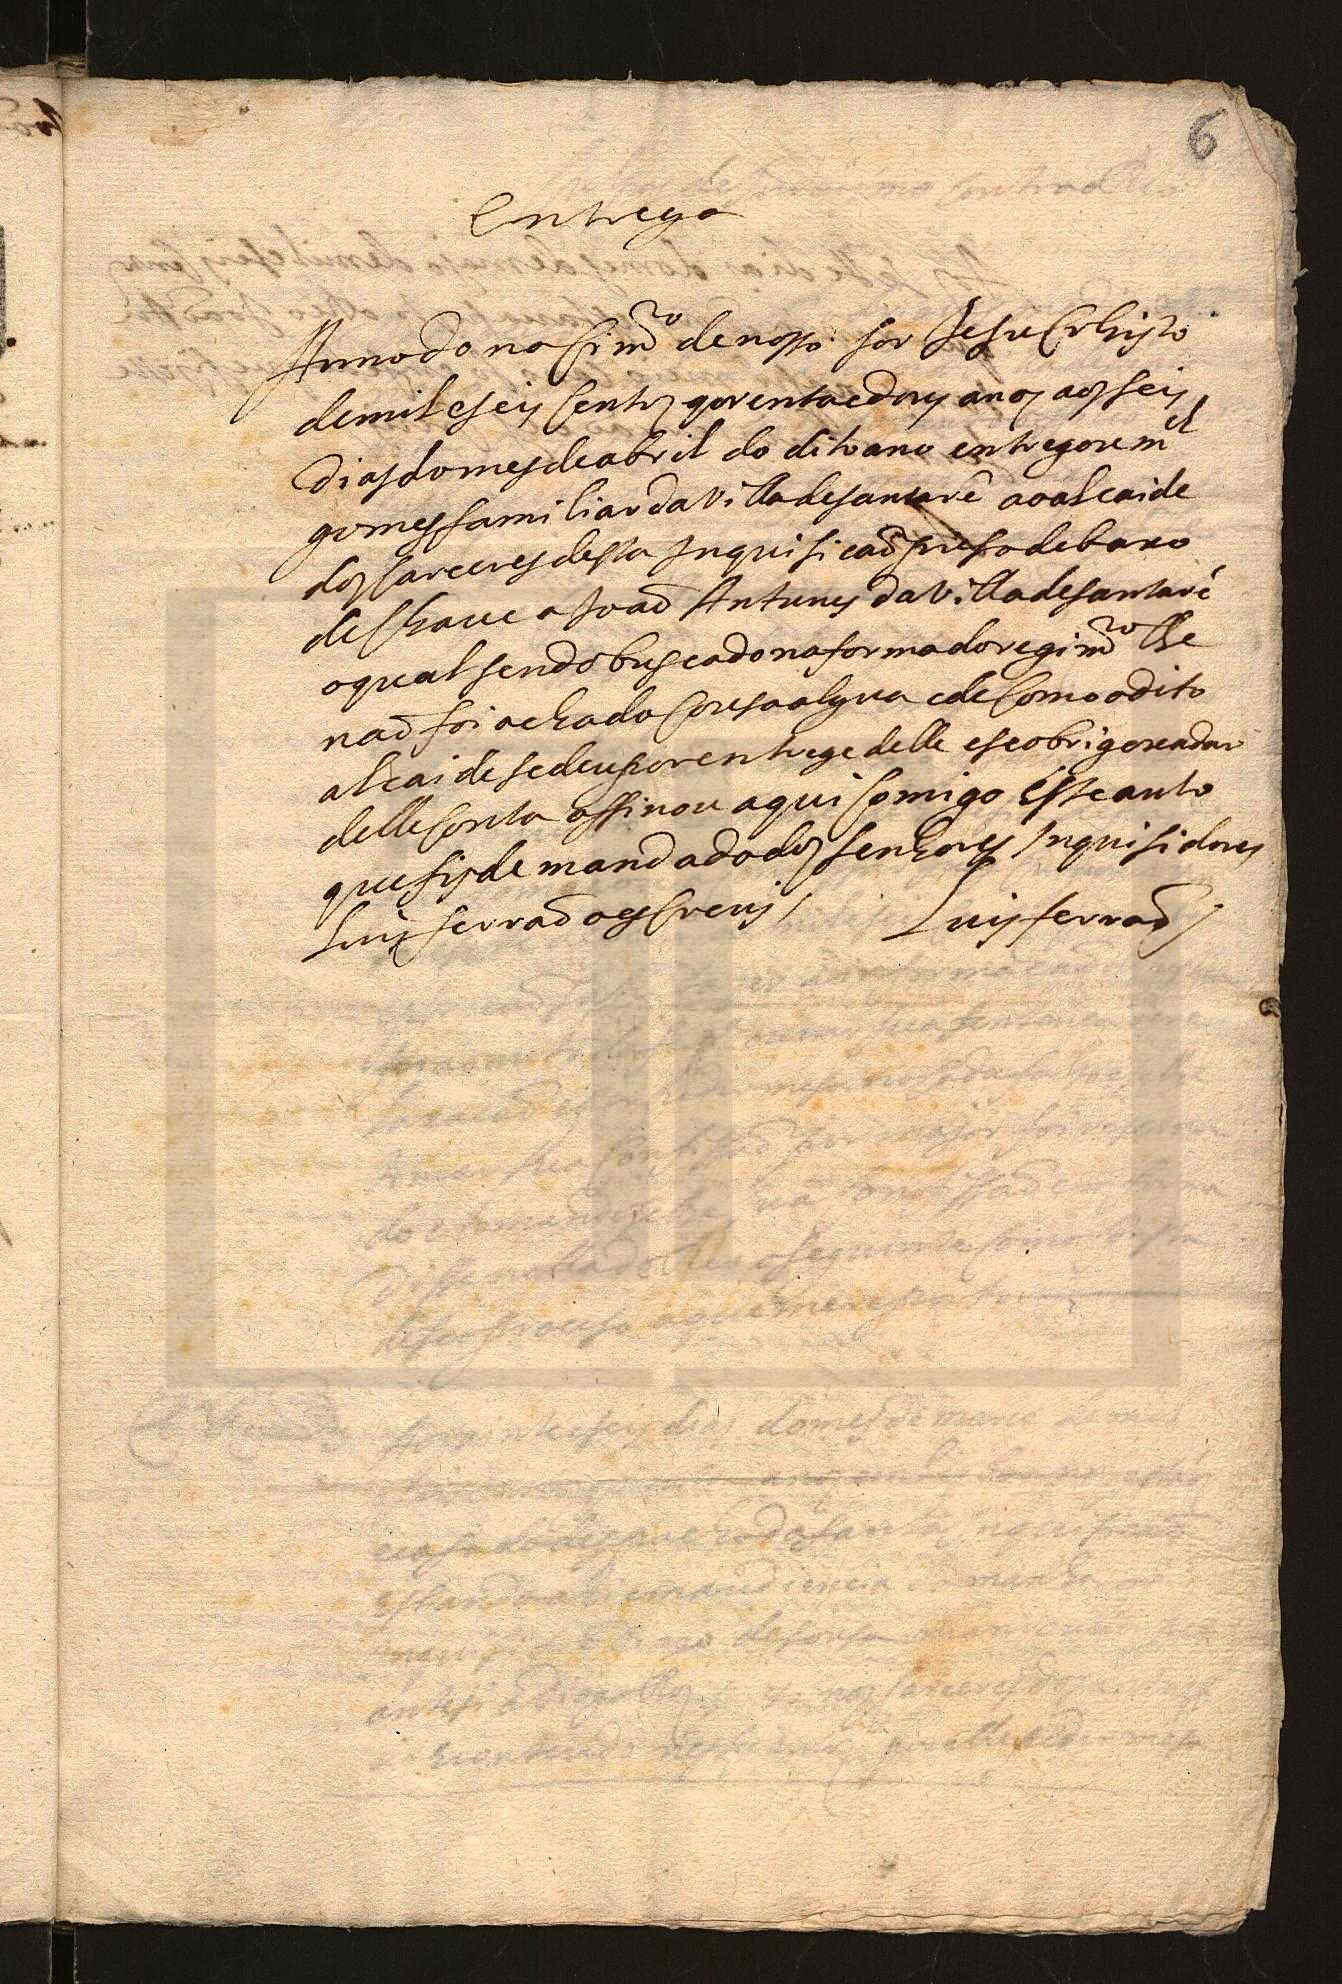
entrega
Anno do nacimto de nosso sor Jesu Crhisto
de mil e seisCentos qorenta e dous anos aos seis
dias do mes de abril do dito ano entregou mel
gomes familiar da villa de santarē ao alcaide
dos Carceres desta Jnquisiçaõ preso debaxo
de Chaue a João Antunes da villa de santarē
o qual sendo buscado na forma do regimto lhe
naõ foi achada Cousa algua e de Como o dito
alcaide se deu por entrege delle e se obrigou a dar
delle Conta assinou aqui Comigo este auto
que fis de mandado dos senhores Inquisidores
Luis ferraõ o esCreuj /
Luis ferraõ
